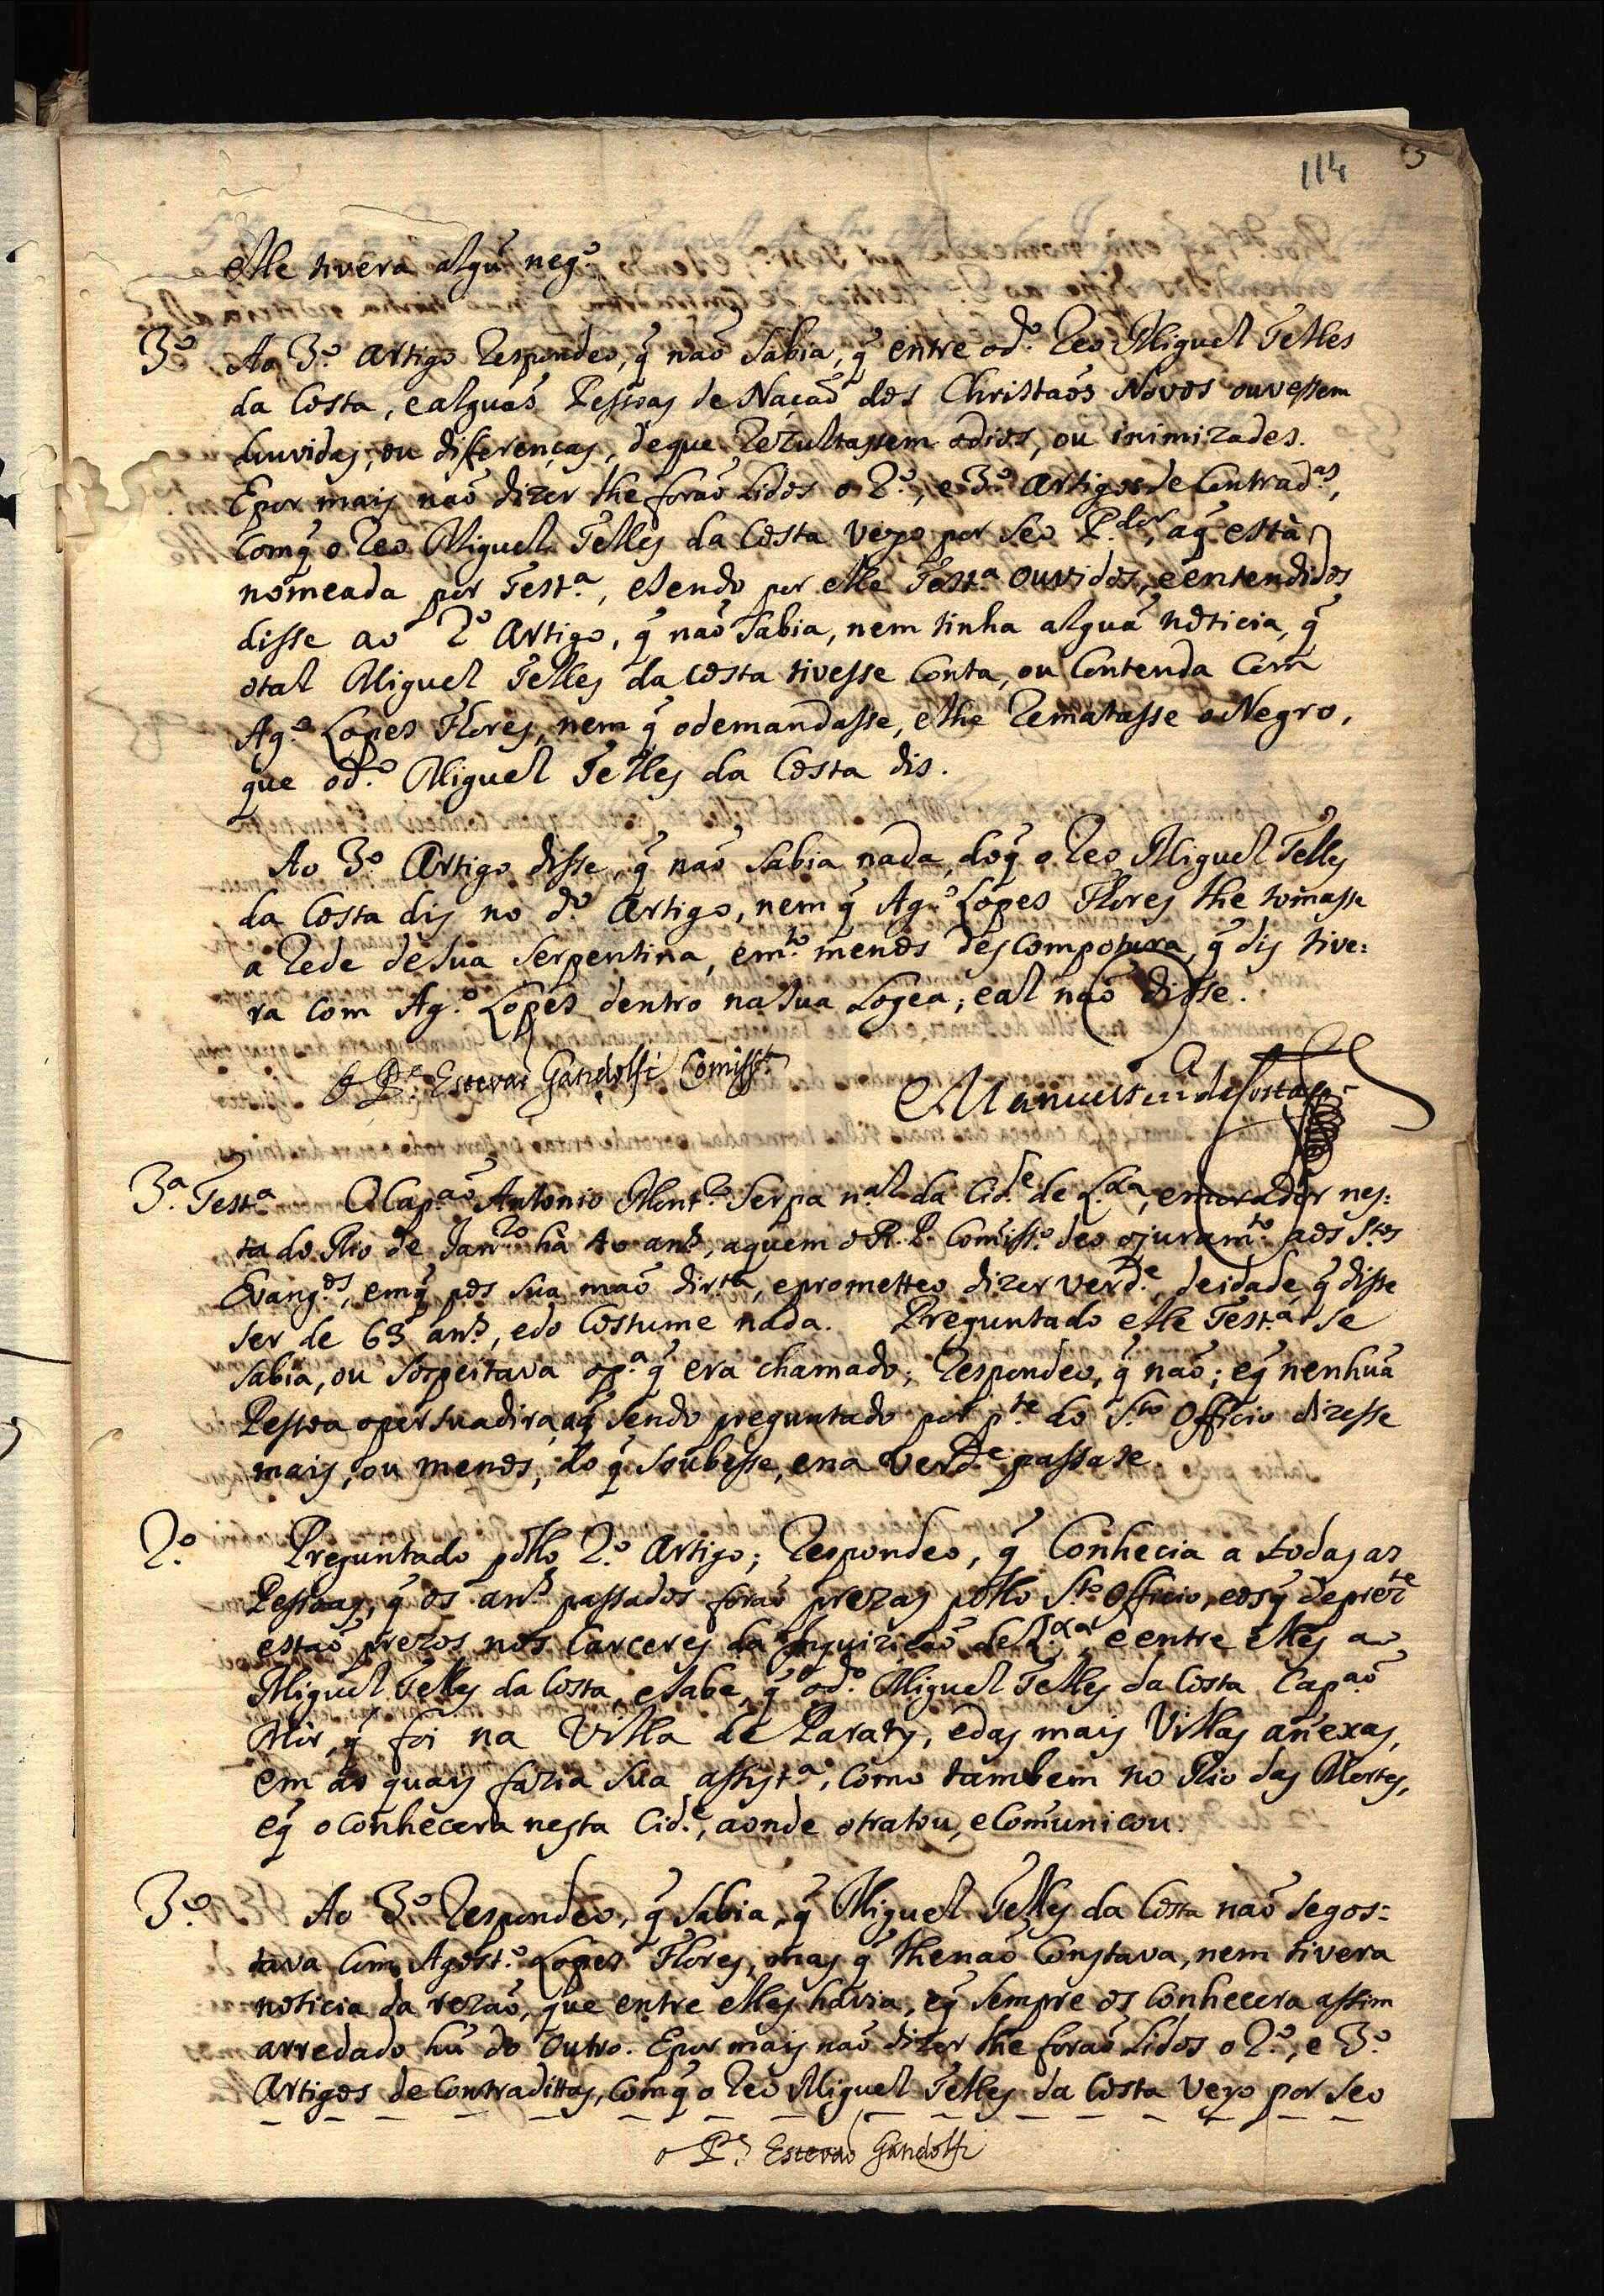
elle tivera algū neg.o
3.o Ao 3.o artigo Respondeo, q̄ nao sabia, q̄ entre o d.o Reo Miguel Telles
da Costa, e alguas̄ Pessoas de Naçaõ dos Christaõs Novos ouvessem
duuvidas, ou differenças, de que Rezultassem odios, ou inimizades.
E por mais naõ dizer lhe foraõ lidos o 2.o, e 3.o artigos de Contrad.as,
com q̄ o Reo Miguel Telles da Costa veyo por seo P.dor, a q̄ está
nomeada por Test.a, e sendo por elle Test.a ouvidos, e entendidos
disse ao 2o artigo, q̄ naõ sabia, nem tinha alguā noticia, q̄
o tal Miguel Telles da costa tivesse Conta, ou Contenda com
Ag.o Lopes Flores, nem q̄ o demandasse, e lhe Rematasse o Negro,
que o d.o Miguel Telles da Costa dis.
Ao 3.o Artigo disse, q̄ naõ sabia nada, do q̄ o Reo Miguel Telles
da Costa dis no d.o artigo, nem q̄ Ag.o Lopes Flores lhe tomasse
a Rede de sua serpentina, e m.to menos descompotura, q̄ dis tive
ra com Ag.o Lopes dentro na sua Logea; e al naõ disse.
O P.e Estevaõ Gandolfi Comiss.o
Manuel terr.a da Costa
3.a Testa. O Cap.aõ Antonio Mont.ro Serpa n.al da Cid.e de L.xa, e morador nes
ta do Rio de Ian.ro ha 40 an.s, a quem o R. P. Com̄iss.o deo o juram.to aos S.tos
Evang.os, em q̄ pos sua maõ dir.ta, e prometteo dizer verd̄.e, de idade, q̄ disse
ser de 63 an.s, e do Costume nada. Preguntado elle Test.a se
sabia, ou sospeitava o p.a q̄ era chamado; Respondeo, q̄ naõ; e q̄ nenhuā
Pessoa o persuadira a q̄ sendo preguntado por p.te do S.to Officio dizesse
mais, ou menos, do q̄ soubesse, e na verd.e passase
2.o Preguntado pello 2.o artigo; Respondeo, q̄ Conhecia a todas as
Pessoas, q̄ os an.s passados foraõ prezas pello S.to officio, e os q̄ de prezte
estaõ prezos nos Carceres da Jnquiziçaõ de L.xa, e entre elles a
Miguel Telles da Costa, e sabe, q̄ o d.o Miguel Telles da Costa Cap.aõ
Mor, q̄ foi na Villa de Paraty, e das mais Villas anexas,
em as quais fazia sua assist.a, como tambem no Rio das Mortes,
e q̄ o conhecera nesta Cid.e, aonde o tratou, e Com̄unicou
3.o Ao 3.o Respondeo, q̄ sabia, q̄ Miguel Telles da Costa naõ se gos
tava Com Agost.o Lopes Flores, mas q̄ lhe naõ Constava, nem tivera
noticia da rezaõ, que entre elles havia, e q̄ sempre os conhecera assim
arredado hū do outro. E por mais naõ dizer lhe foraõ Lidos o 2.o, e 3.o
artigos de contradittas, com q̄ o Reo Miguel Telles da Costa veyo por seo
o P.e Estevaõ Gandolfi
